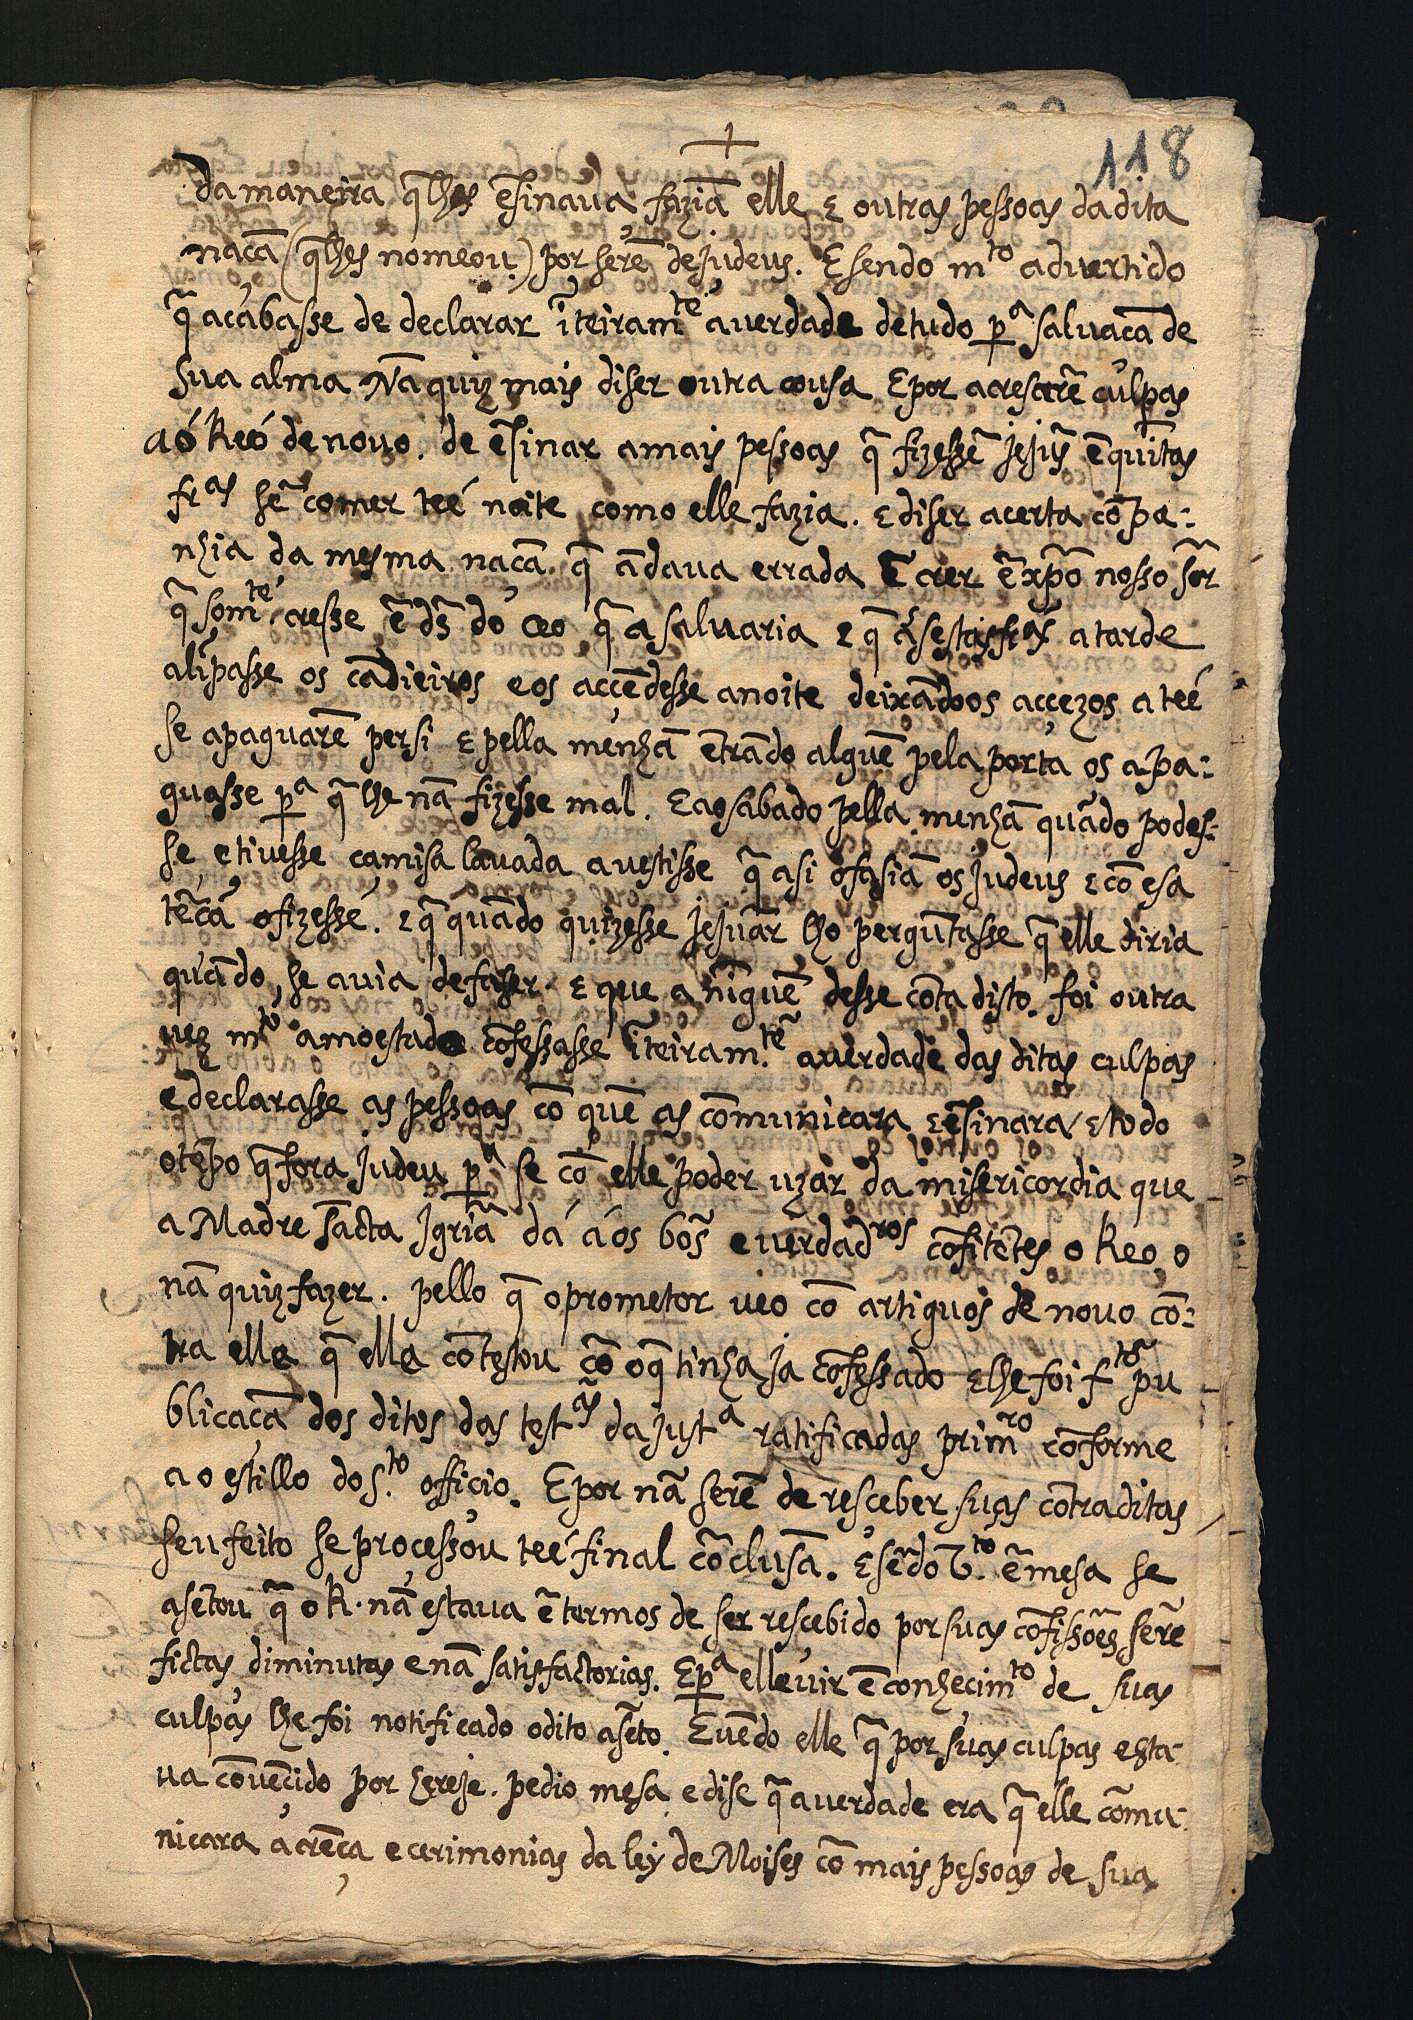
da maneira q̄ lhes ēsinaua faziā elle E outras pessoas da dita
naçā (q̄ lhes nomeou) por serē de judeus. E sendo mto aduertido
q̄ acabasse de declarar īteiramtē a uerdade de tudo ꝑa saluaçā de
sua alma Nā quiz mais diser outra cousa E por acrescere̅ culpas
ao Reo de nouo, de ēsinar a mais pessoas q̄ fizessē jejūs ē quītas
fras sē comer teé noite como elle fazia. E diser a certa cōpa:
nhia da mesma naçā q̄ ādaua errada ē crer ē xpō nosso sor̄
q̄ somte cresse ē ds̄ do ceo q̄ a saluaria E q̄ as sestas fras a tarde
alīpasse os cādieiros e os acçēdesse a noite deixādoos acçezos ateé
se apaguarē per si E pella menhā ētrādo alguē pela porta os apa
guasse ꝑa q̄ lhe nā fizesse mal. E ao sabado pella menhã quādo podes
se e tiuesse camisa lauada a uestisse q̄ asi o fasiā os Judeus e cō esa
tēça o fizessē. E q̄ quādo quisesse jejuar lho pergūtasse q̄ elle diria
quādo, se auia de fazer. E que ninguē desse cōta disto foi outra
uez mto amoestado cōfessasse iteiram.tē a uerdade das ditas culpas
e declarasse as pessoas cō quē as comunicara E ēsinara E todo
o tēpo q̄ fora Judeu ꝑa se cō elle poder uzar da misericordia que
a Madre Sācta Jgrīa da aos bōs e uerdadros cōfitētes o Reo o
nā quiz fazer. pello q̄ o prometor ueo cō artiguos de nouo cō
tra ella q̄ ella cōfessou cō o q̄ tinha Ja cōfessado E lhe foi fta pu
blicaçā dos ditos das testas da Justa ratificadas primro cōforme
ao estillo do s.to officio. E por nā serē de resceber suas cōtraditas
seu feito se processou teé final cōclusa. E sēdo v.to ē mesa se
asētou q̄ o R. nā estaua ē termos de ser rescebido por suas cōfissões serē
fictas diminutas e nā satisfactorias. E ꝑa elle uir ē conhecimto de suas
culpas lhe foi notificado o dito ase̅to E ue̅do elle q̅ por suas culpas esta
ua cōue̅cido por hereje. pedio mesa e dise q̄ a uerdade era q̄ elle cōmu
nicara a crēça e cerimonias da ley de Moises co̅ mais pessoas de sua
